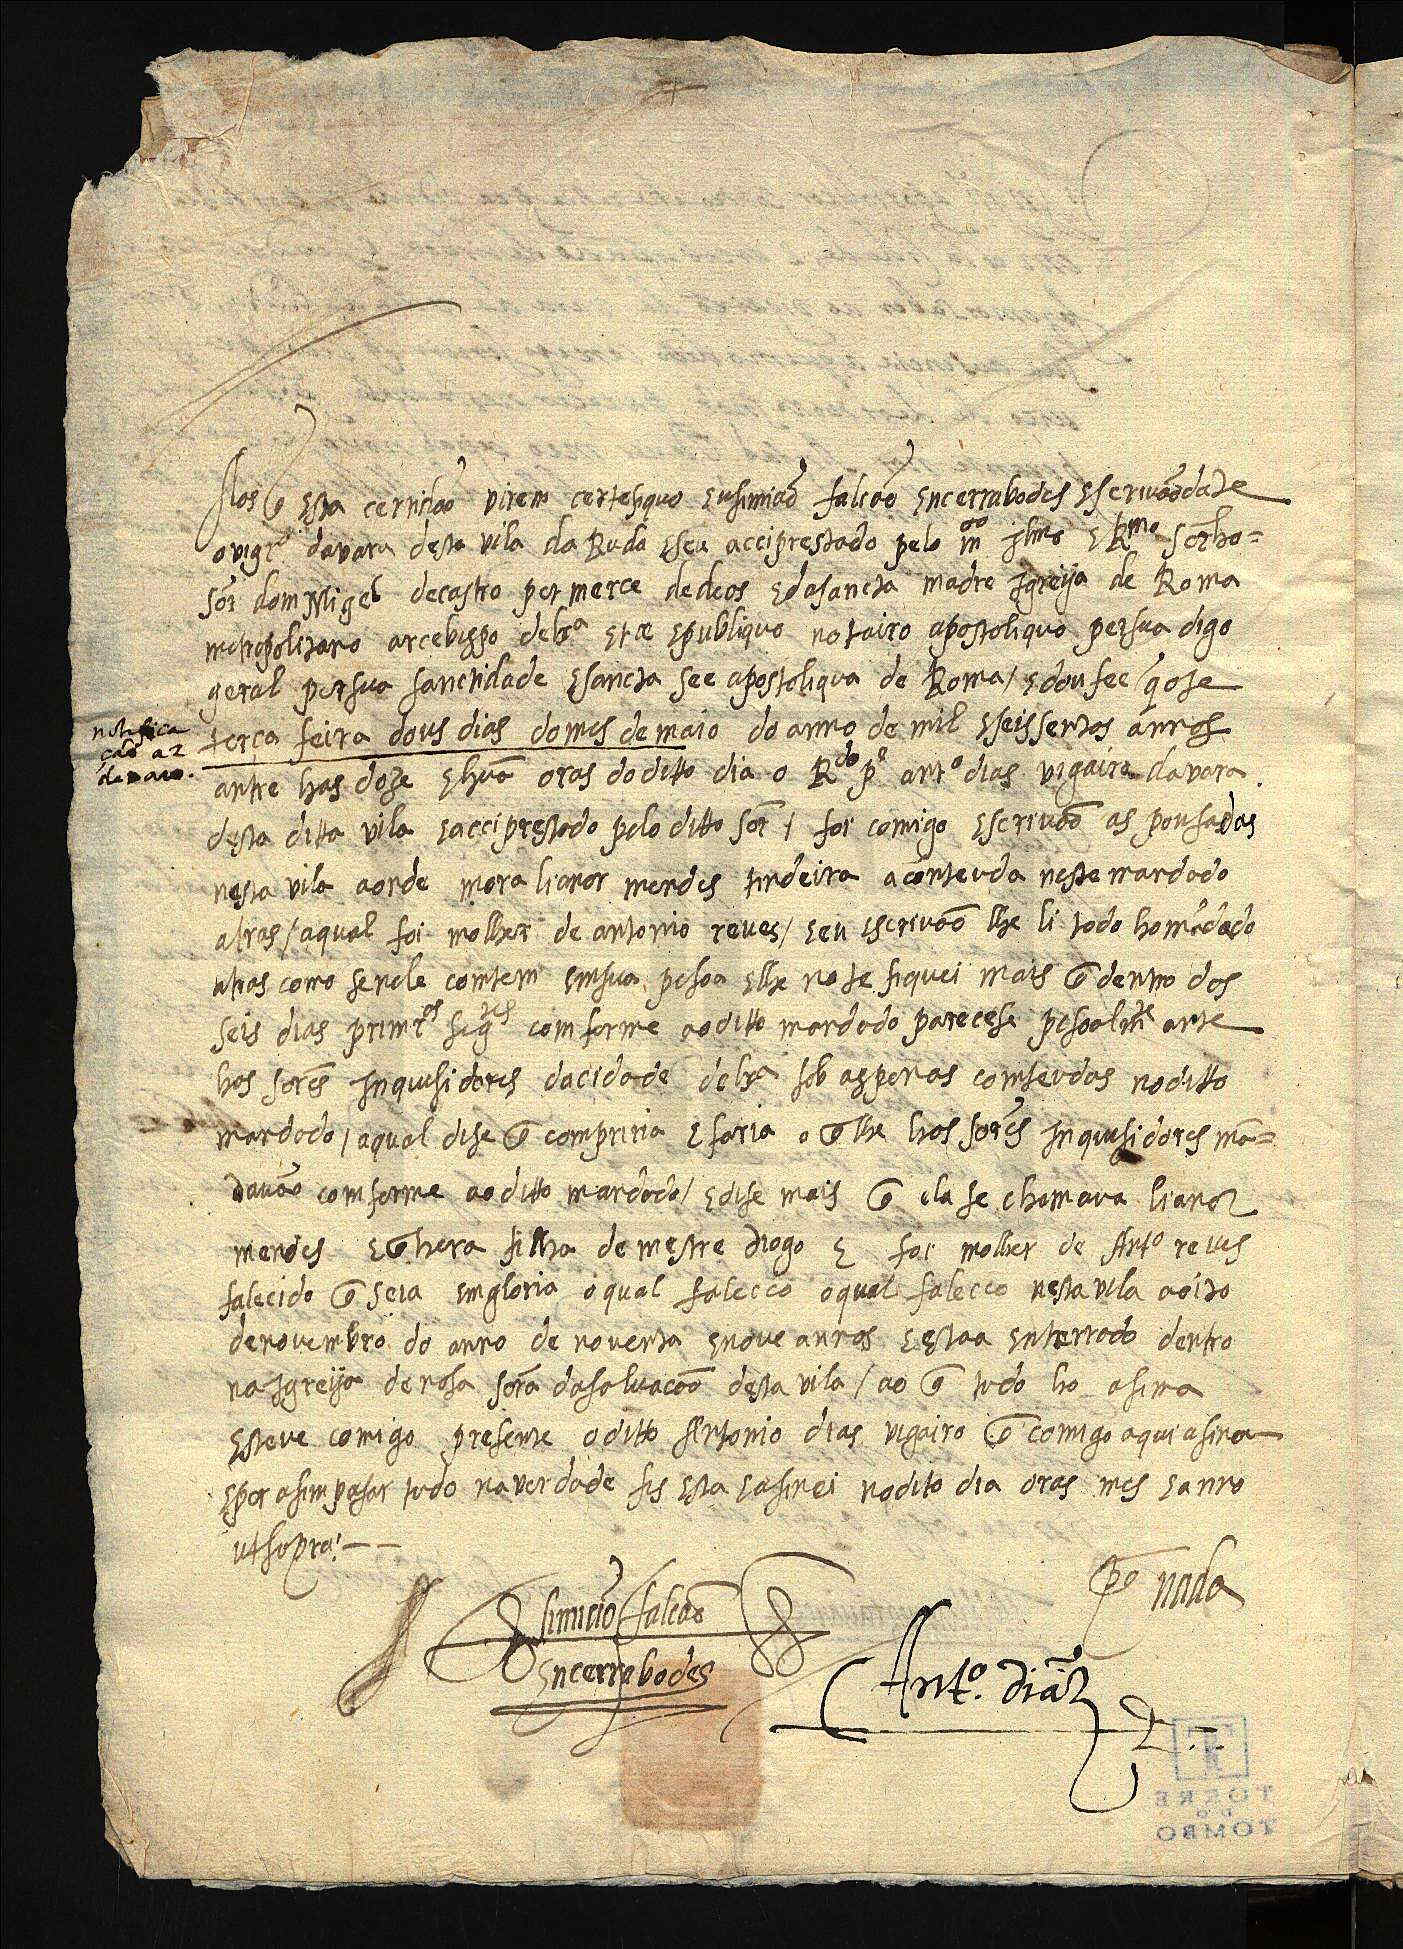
Aos q̄ Esta certidaõ virem certefiquo Eu simiaõ falcaõ Encerrabodes Escriuaõ dāte
o vigro da vara desta vila daRuda E seu acciprestado pelo mto Jlmo E Rmo sor̄ ho
sōr dom Migel de castro per merce de deos E da sancta madre Igreija de Roma
metropolitano arcebispo de lxa Etæ E publiquo notairo apostoliquo per sua digo
geral per sua sanctidade E sancta see apostoliqua de Roma / E dou fee q̄ oje
terça feira dous dias do mes de maio do anno de mil E seissentos annos
antre has doze E huā oras do ditto dia o Rdo pe anto dias vigairo da vara
desta ditta villa E acciprestado pelo ditto sor̄ / foi comigo Escriuaõ as pousadas
nesta vila aonde mora lianor mendes tindeira a conteuda neste mandado
atras / a qual foi molher de antonio reues / E eu Escriuaõ lhe li todo ho mādado
atras como se nele contem em sua pesoa E lhe notefiquei mais q̄ dentro dos
seis dias primros segtes comforme ao ditto mandado parecese pesoalmte ante
hos sorēs Jnquisidores da cidade de lxa sob as penas comteudas no ditto
mandado / a qual dise q̄ compriria E faria o q̄ lhe hos sorēs Jnquisidores mā
dauão comforme ao ditto mandado / E dise mais q̄ ela se chamaua lianor
mendes E q̄ hera filha de mestre diogo E foi molher de Anto reues
falecido q̄ seia Em gloria o qual faleceo o qual faleceo nesta vila a oito
de nouembro do anno de nouenta E noue annos E estaa Enterrado dentro
na Jgreija de nosa sorā da saluacão desta vila / ao q̄ tudo ho asima
Esteue comigo presente o ditto Antonio dias vigairo q̄ comigo aqui asinou
E por asim pasar tudo na verdade fis Esta E asinei no dito dia oras mes E anno
ut supra:
pḡ nada
notefica
çaõ a 2
de maio.
